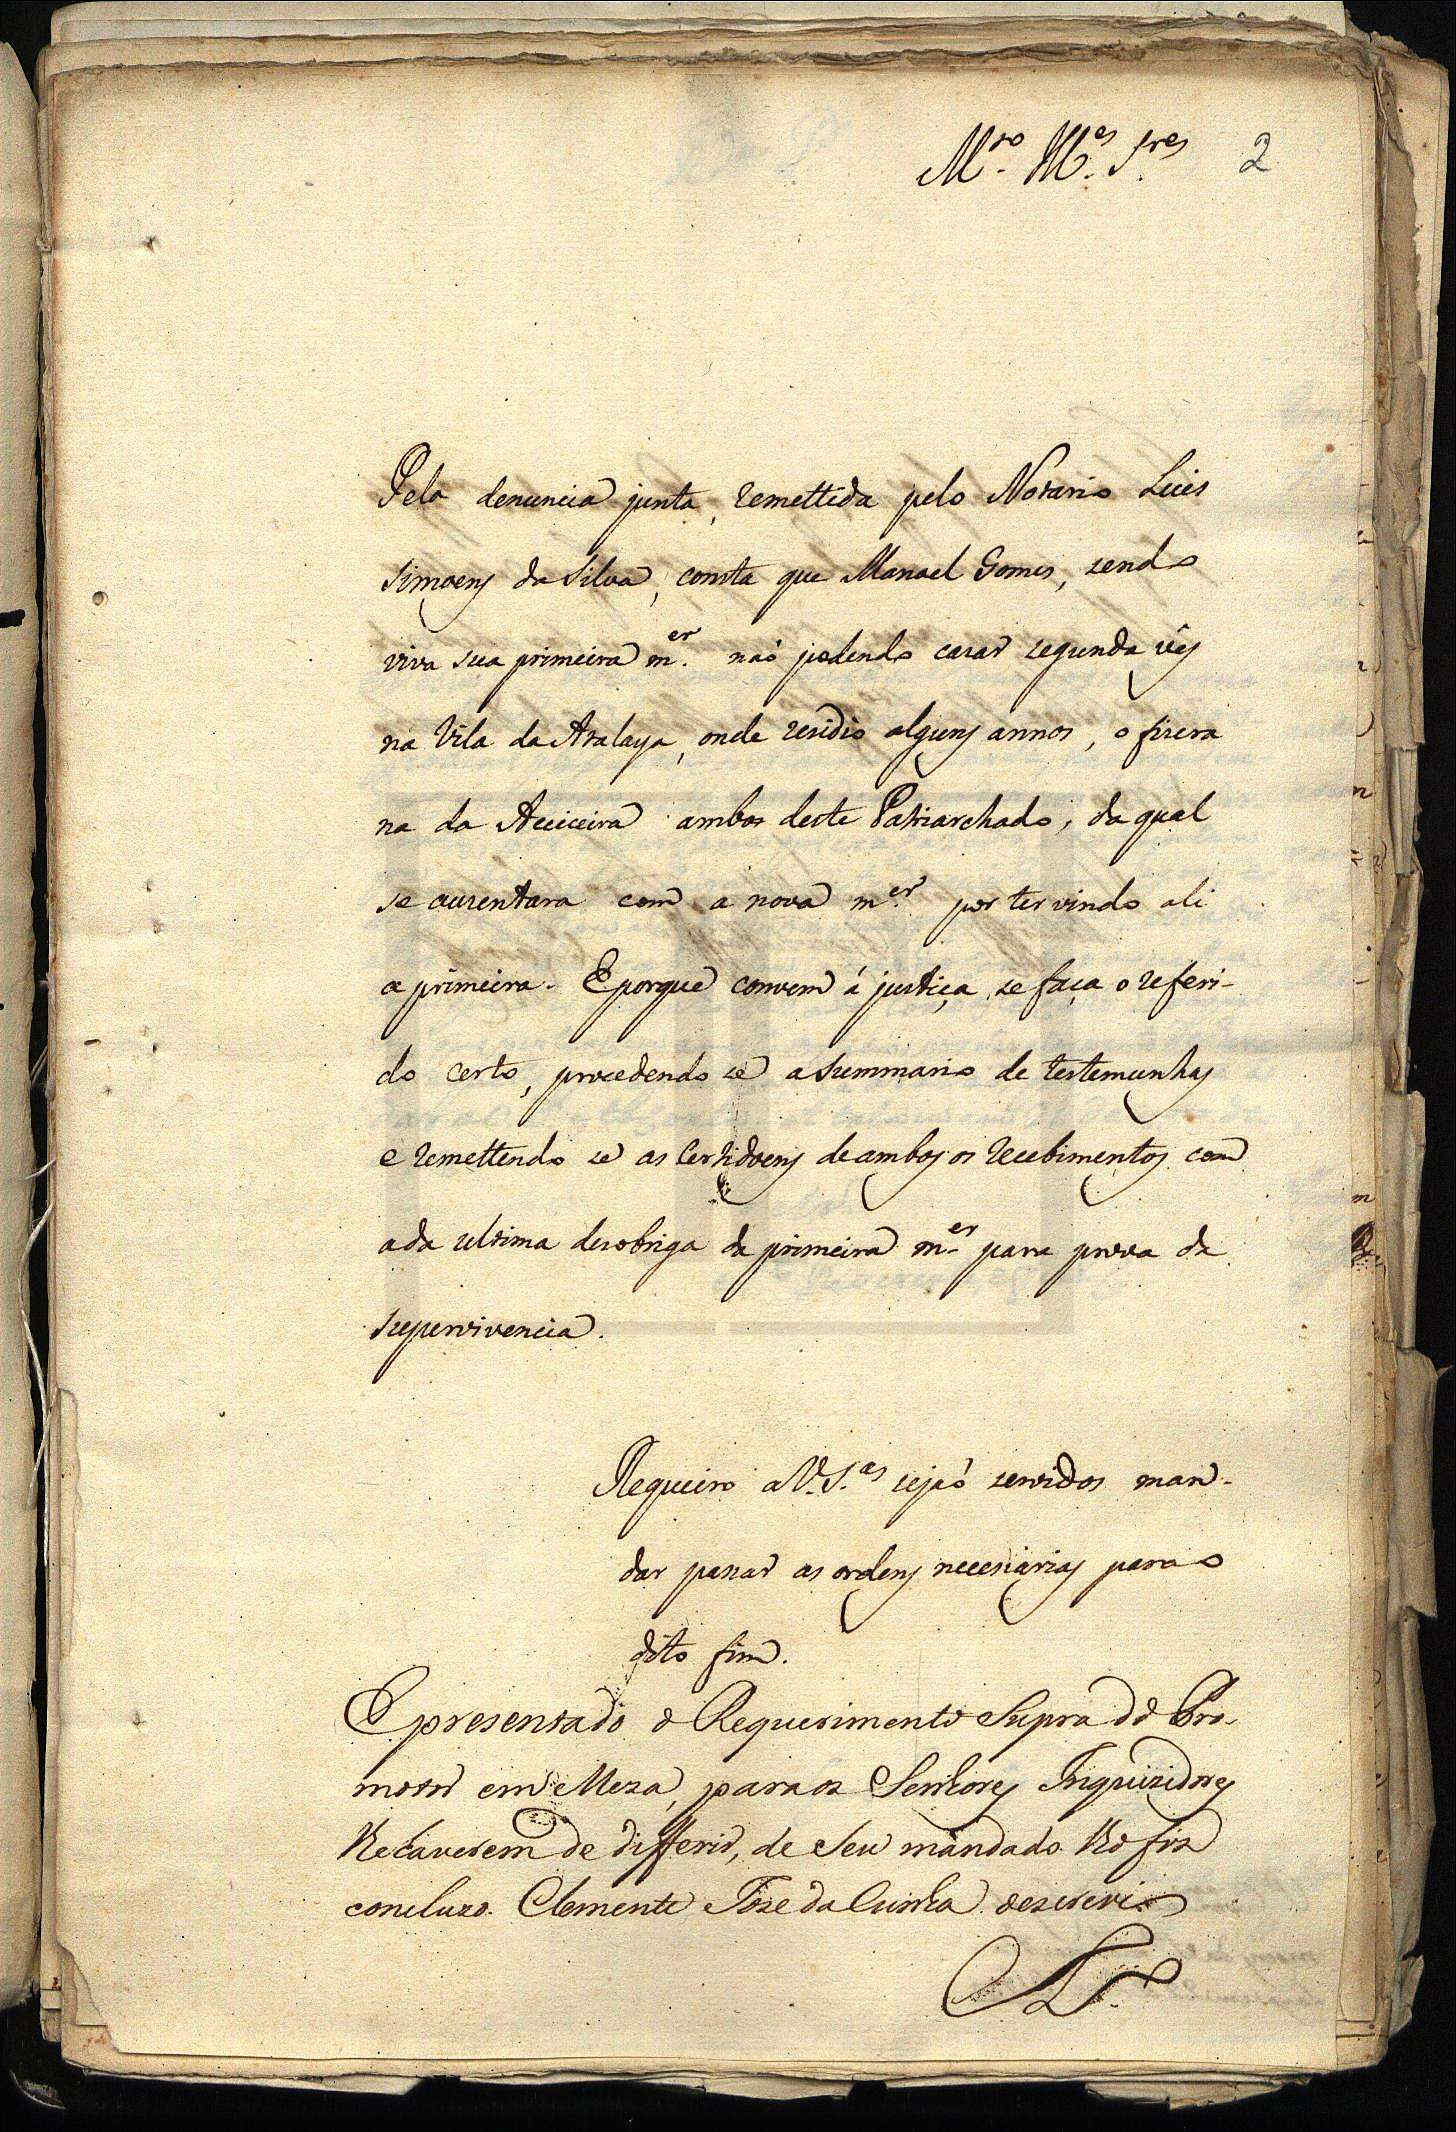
2
M.to Ill.es S.res
Pela denuncia junta, Remettida pelo Notario Luis
simoens da Silva, consta que Manoel Gomes, sendo
viva sua primeira m.er naõ podendo cazar segunda uês
na Vila da Atalaya, onde residio alguns annos, o fizera
na da Aceiceira ambos deste Patriarchado, da qual
se auzentara com a nova m.er por ter vindo ali
a primeira. E porque convem á justiça se faça o referi
do certo, procedendo se a summario de testemunhas
e Remettendo se as certidoens de ambos os Recebimentos com
a da ultima desobriga da primeira m.er para prova de
supervivencia.
Requeiro a V. S.as sejaõ servidos man
dar passar as ordens necessarias para o
dito fim.
E presentado o Requerimento Supra do Pro
motor em Meza, para os Senhores Inquizidores
lhe hauerem de differir, de seu mandado lho fiz
concluzo. Clemente Ioze da Cunha o escrevi
CL.o
